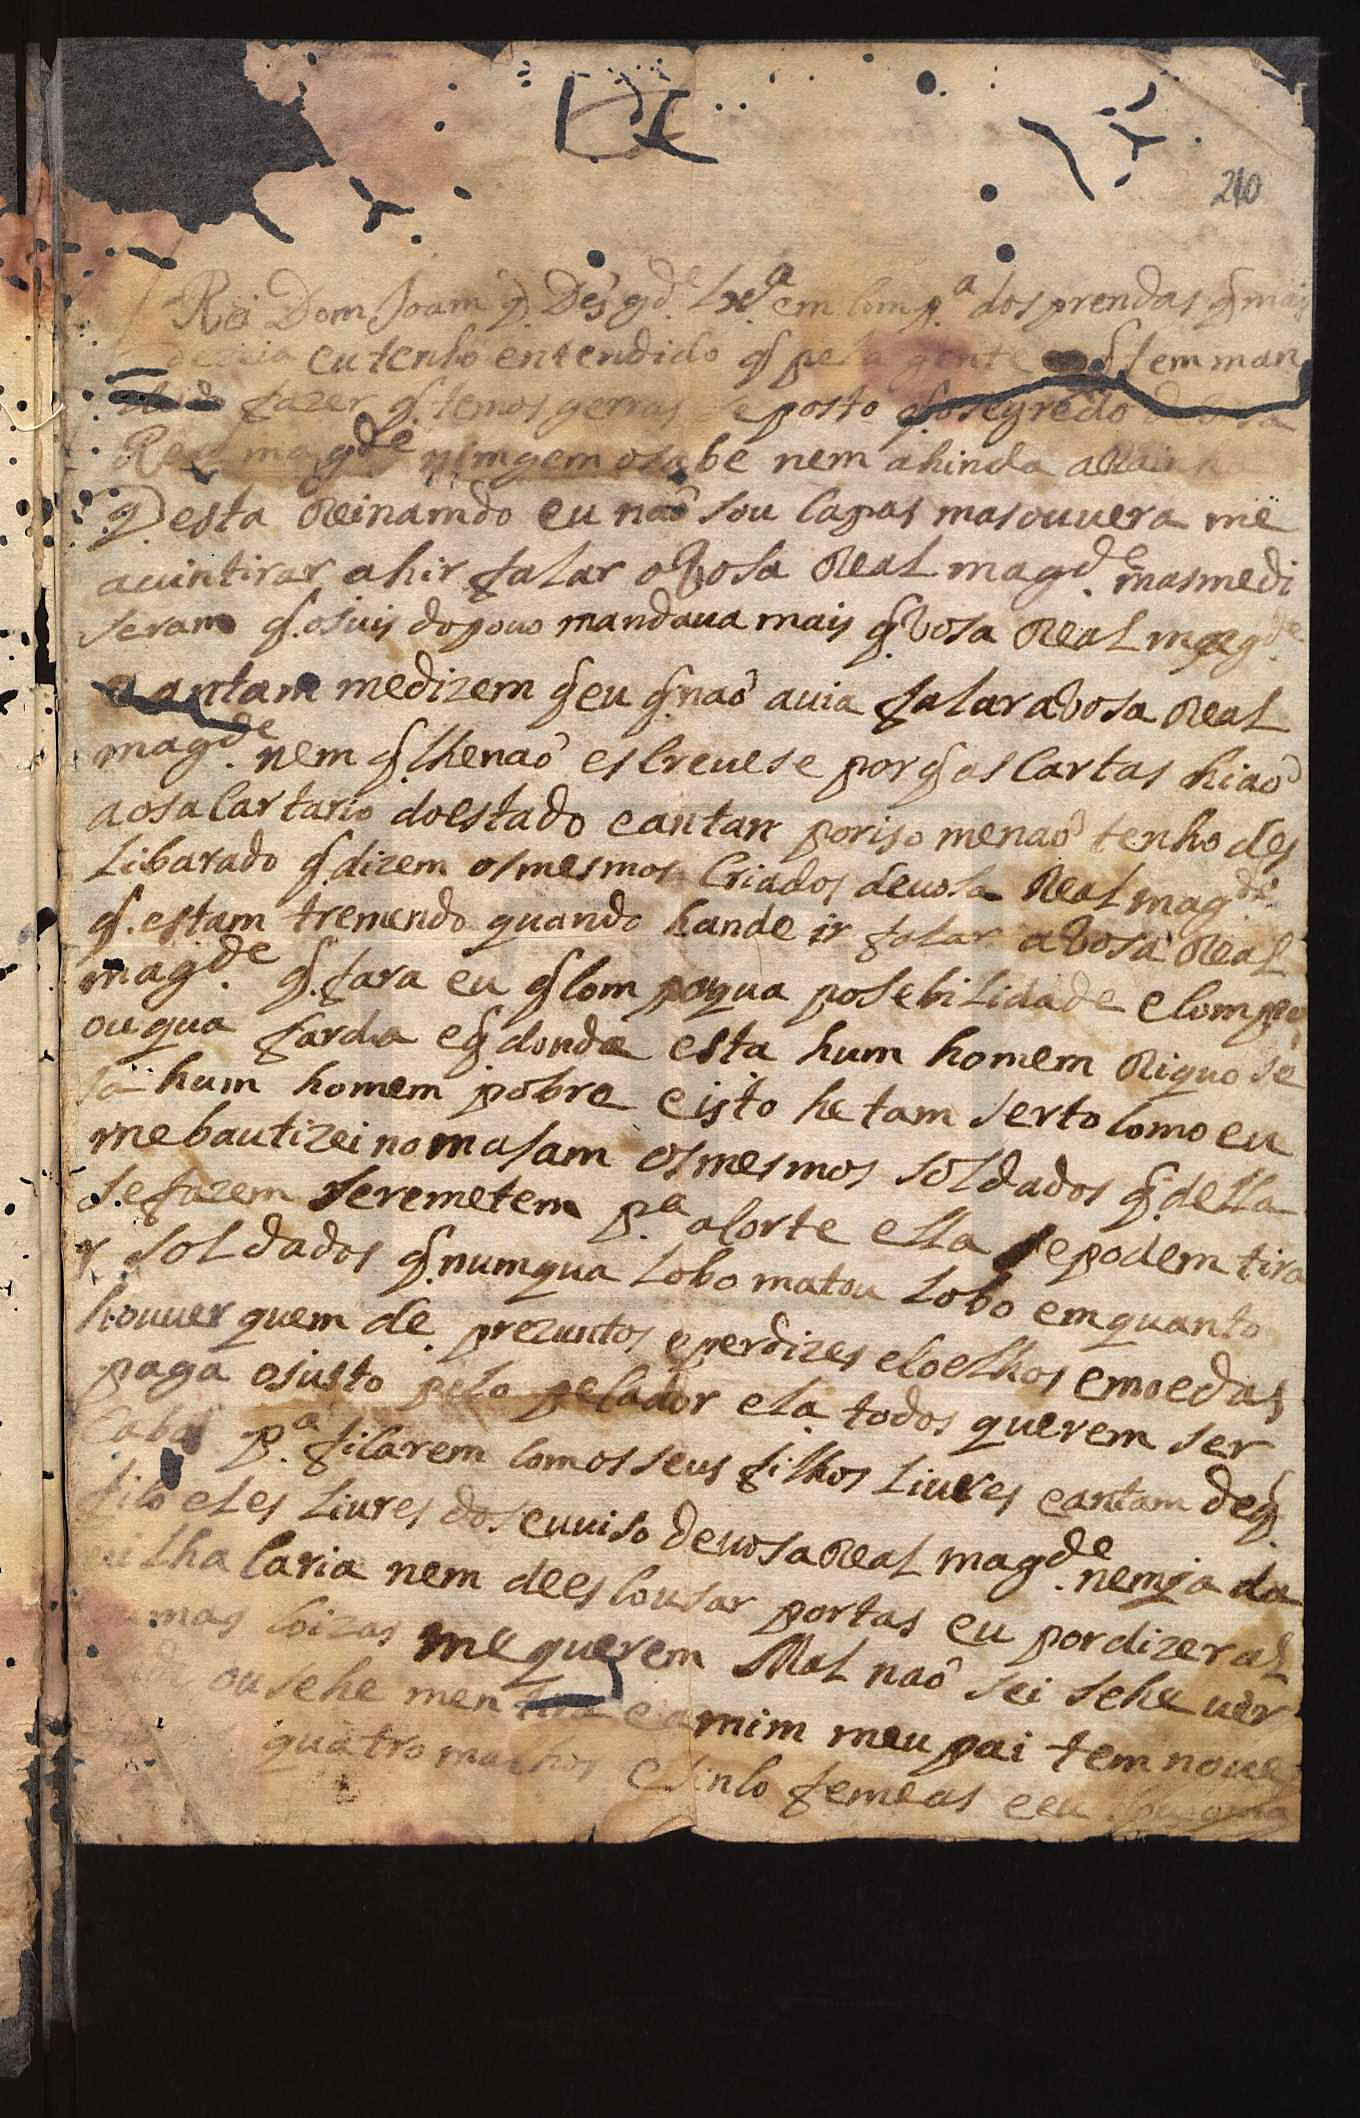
Rei Dom Joam q̄ Des̄ gd.e Lx.a em Comp.a dos prendas q̄ mas
dezia eu tenho entendido q̄ pela gente q̄ tem man
dado fazer q̄ temos gerras e posto q̄ o segredo
Real magd.e nimgem o sabe nem ahinda a Rainha
q̄ esta Reinamdo eu naõ sou Capas mas ouuera me
auintirar a hir falar o Vosa ReaL magd.e mas me di
seram q̄. o iuis do pouo mandaua mais q̄ vosa Real mag.de
e antam me dizem q̄ eu q̄ naõ auia falar a vosa ReaL
mag.de nem q̄ lhe naõ escreuese porq̄ as Cartas hiaõ
ao saCartario do estado e antan por iso me naõ tenho des
Libarado q̄ dizem os mesmos Criados de uosa Real magde
q̄ estam tremendo quando hande ir falar a vosa Real
mag.de q̄ fara eu q̄ Com pouqua posebilidade e Com po
ouqua farda e q̄ doudo esta hum homem Riquo se
só hum homem pobre e isto he tam serto Como eu
me bautizei no masam os mesmos soldados q̄ della
se fazem se remetem p.a a Corte ella se podem tira
r soldados q̄. numqua Lobo matou Lobo emquanto
houuer quem de prezuntos e perdizes e Coelhos e moedas
paga o iusto pelo peCador e la todos querem ser
Cabo p.a ficarem com os seus filhos Liures e antam de q̄.
fico eles Liures do seuuiso de uosa Real mag.de nem ja da
uilhaCaria nem de esCousar portas eu por dizer al
gumas Coizas me querem MaL naõ sei se he uer
dade ou se he mentira e a mim meu pai tem noue
quatro maChos e sinCo femeas e eu
